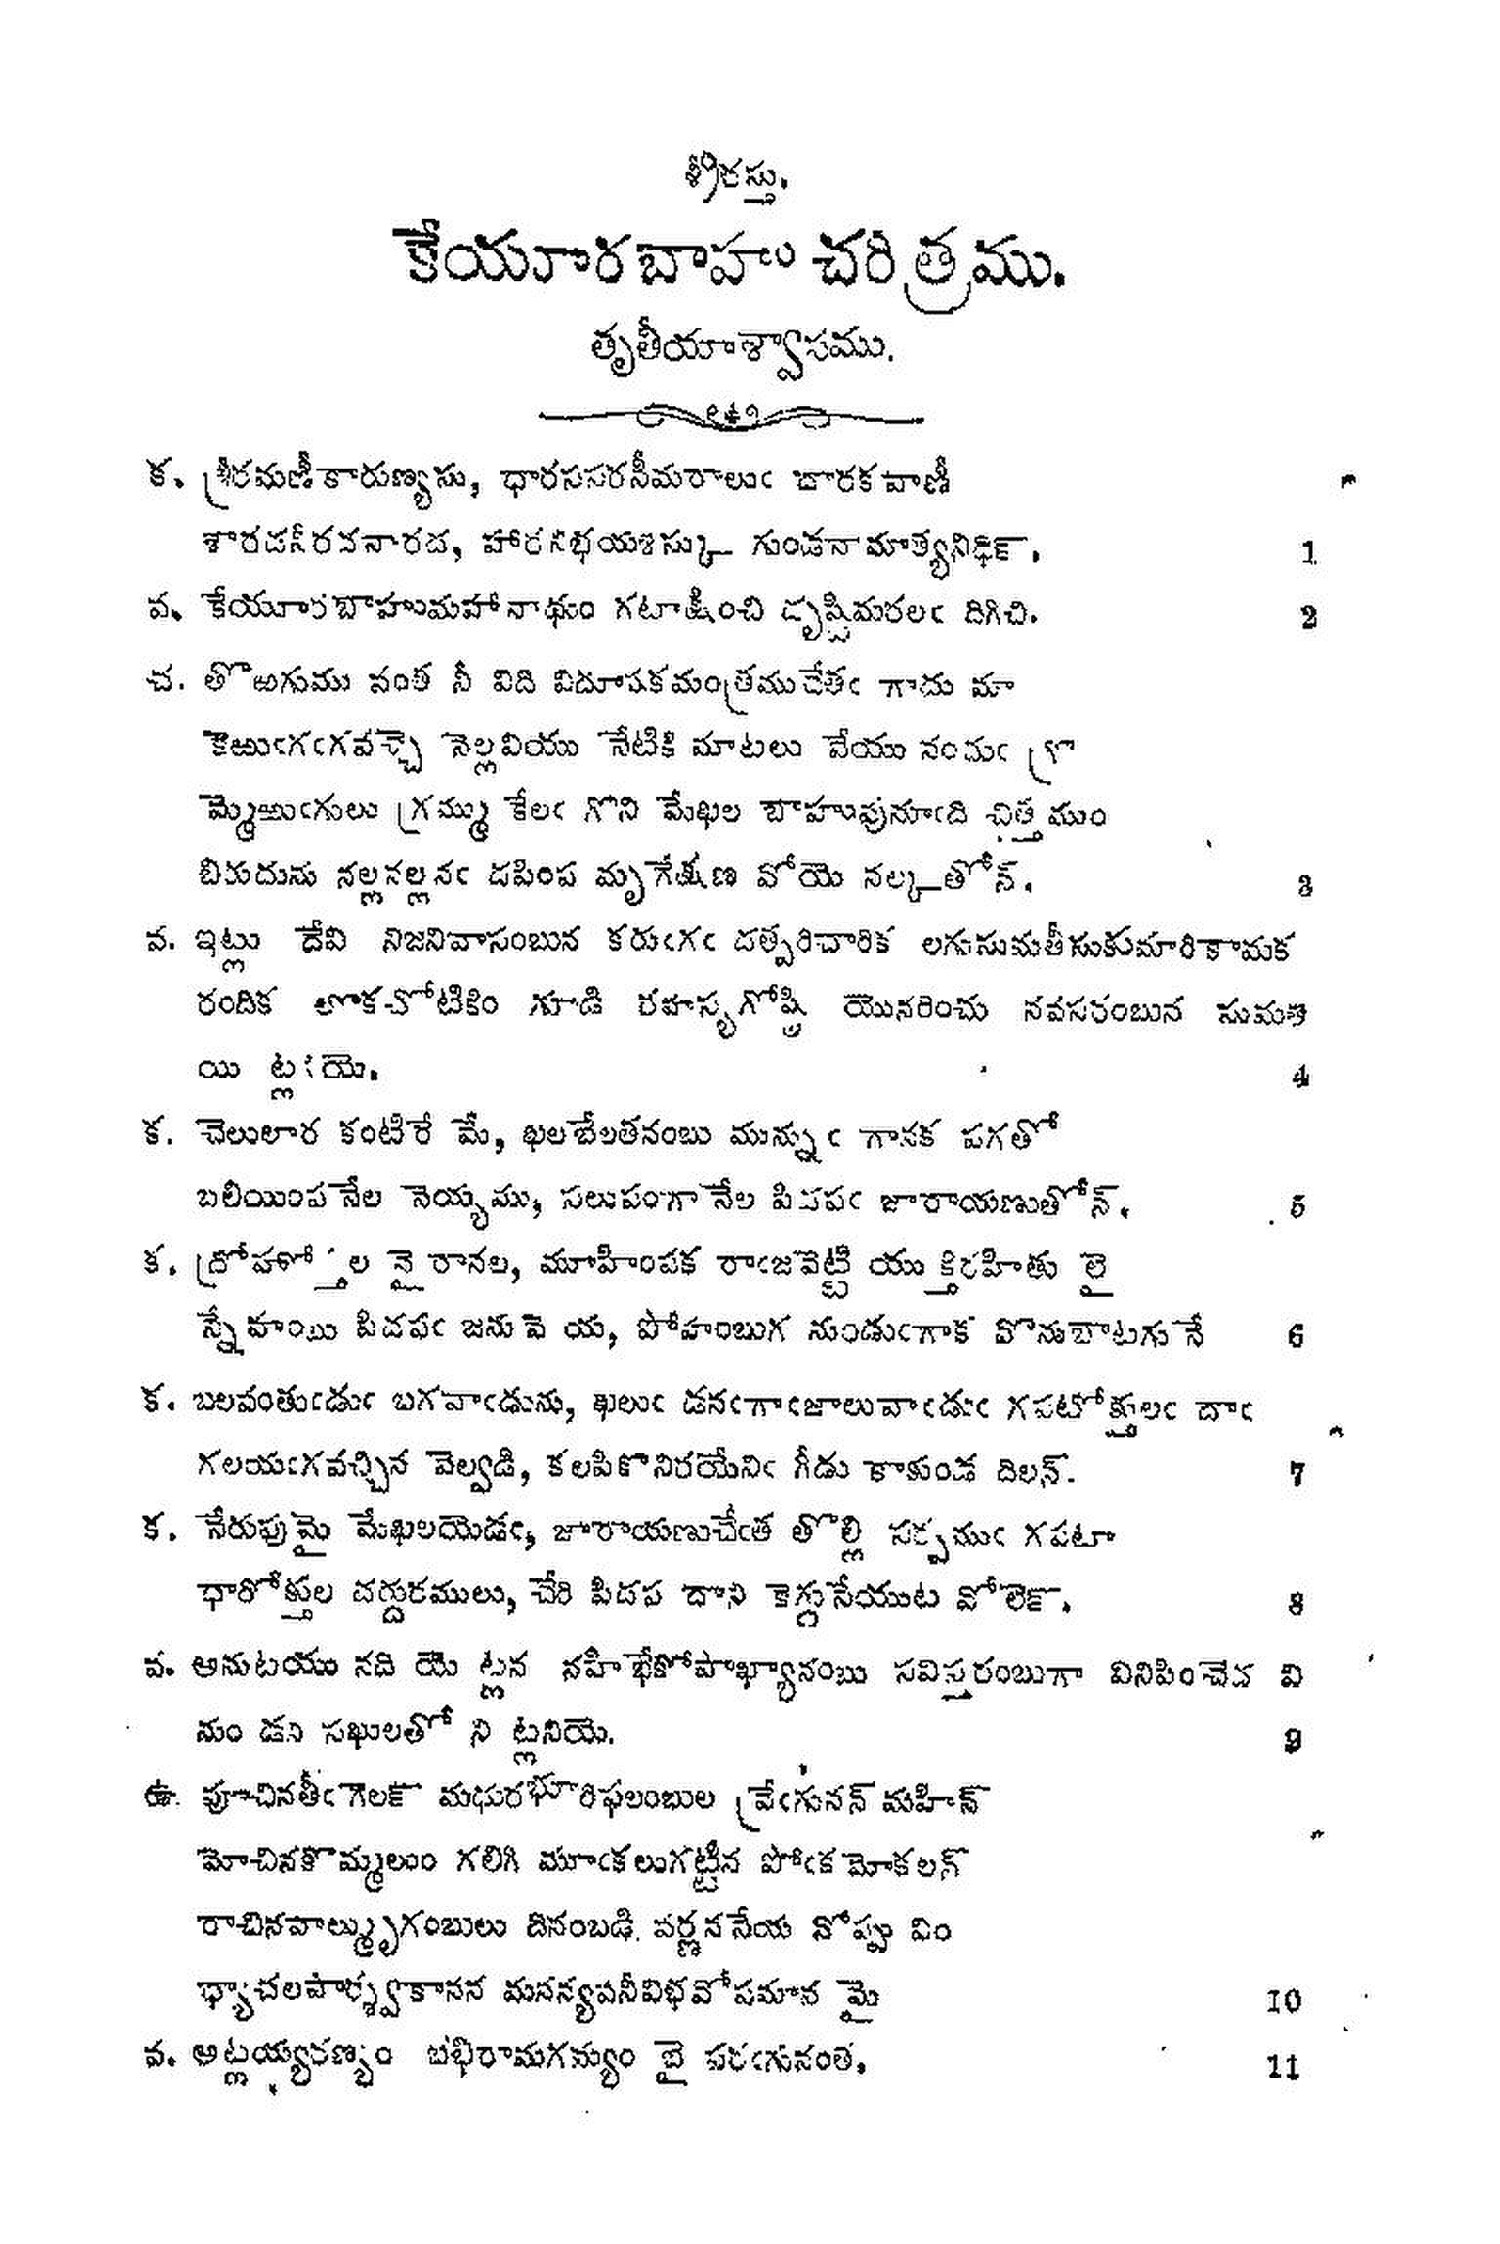కేయూరబాహుచరిత్రము
తృతీయాశ్వాసము

క. శ్రీరమణీకారుణ్యసు, ధారససరసీమరాలుఁ దారకవాణీ
 శారదనీరదనారద, హారనిభయశస్కు గుండనామాత్యనిధిన్.
వ. కేయూరబాహుమహానాథుం గటాక్షించి దృష్టి మరలఁ దిగిచి.
చ. తొఱగుము నంత నీ విది విదూషకమంత్రముచేతఁ గాదు మా
 కెఱుఁగఁగవచ్చె నెల్లవియు నేటికి మాటలు వేయు నందుఁ గ్రొ
 మ్మెఱుఁగులు గ్రమ్ము కేలఁ గొని మేఖల బాహువు నూఁది చిత్తముం
 బిరుదును నల్లనల్లనఁ దపింప మృగేక్షణ వోయె నల్కతోన్.
వ. ఇట్లు దేవి నిజనివాసంబున కరుఁగఁ దత్పరిచారిక లగుసుమతీసుకుమారికామక
 రందిక లొకచోటికిం గూడి రహస్యగోష్టి యొనరించు నవసరంబున సుమతి
 యి ట్లనియె.
క. చెలులార కంటిరే మే, ఖలబేలతనంబు మున్నుఁ గానక పగతో
 బలియింపనేల నెయ్యము, సలుపంగా నేల పిదపఁ జారాయణుతోన్.
క. ద్రోహోక్తల వైరానల, మూహింపక రాఁజవెట్టి యుక్తిరహితు లై
 స్నేహంబు పిదపఁ జనునె య, పోహంబుగ నుండుఁగాక వొనుబాటగునే.
క. బలవంతుఁడుఁ బగవాఁడును, ఖలుఁ డనఁగా జాలువాఁడుఁ గపటోక్తులఁ దాఁ
 గలయఁగ వచ్చిన వెల్వడి, కలపికొనిరయేనిఁ గీడు కాకుండ దిలన్.
క. నేరుపుమై మేఖలయెడఁ, జారాయణుచేత తొల్లి సర్పముఁ గపటా
 ధారోక్తుల దర్దురములు, చేరి పిదప దాని కెగ్గు సేయుట వోలెన్.
వ. అనుటయు నది యె ట్లన నహిభేకోపాఖ్యానంబు సవిస్తరంబుగా వినిపించెద వి
 నుండని సఖులతో ని ట్లనియె.
ఉ. పూచినతీఁగెలన్ మధురభూరిఫలంబుల వ్రేఁగునన్ మహిన్
 మోచినకొమ్మలుం గలిగి మూఁకలుగట్టిన పోఁకమోకలన్
 రాచినవాల్మృగంబులు దినంబడి వర్ణన సేయ నొప్పు విం
 ధ్యాచలపార్శ్వకానన మనన్యవనీవిభవోపమాన మై.
వ. అట్లయ్యరణ్యం బభిరామగమ్యం బై పరఁగునంత.